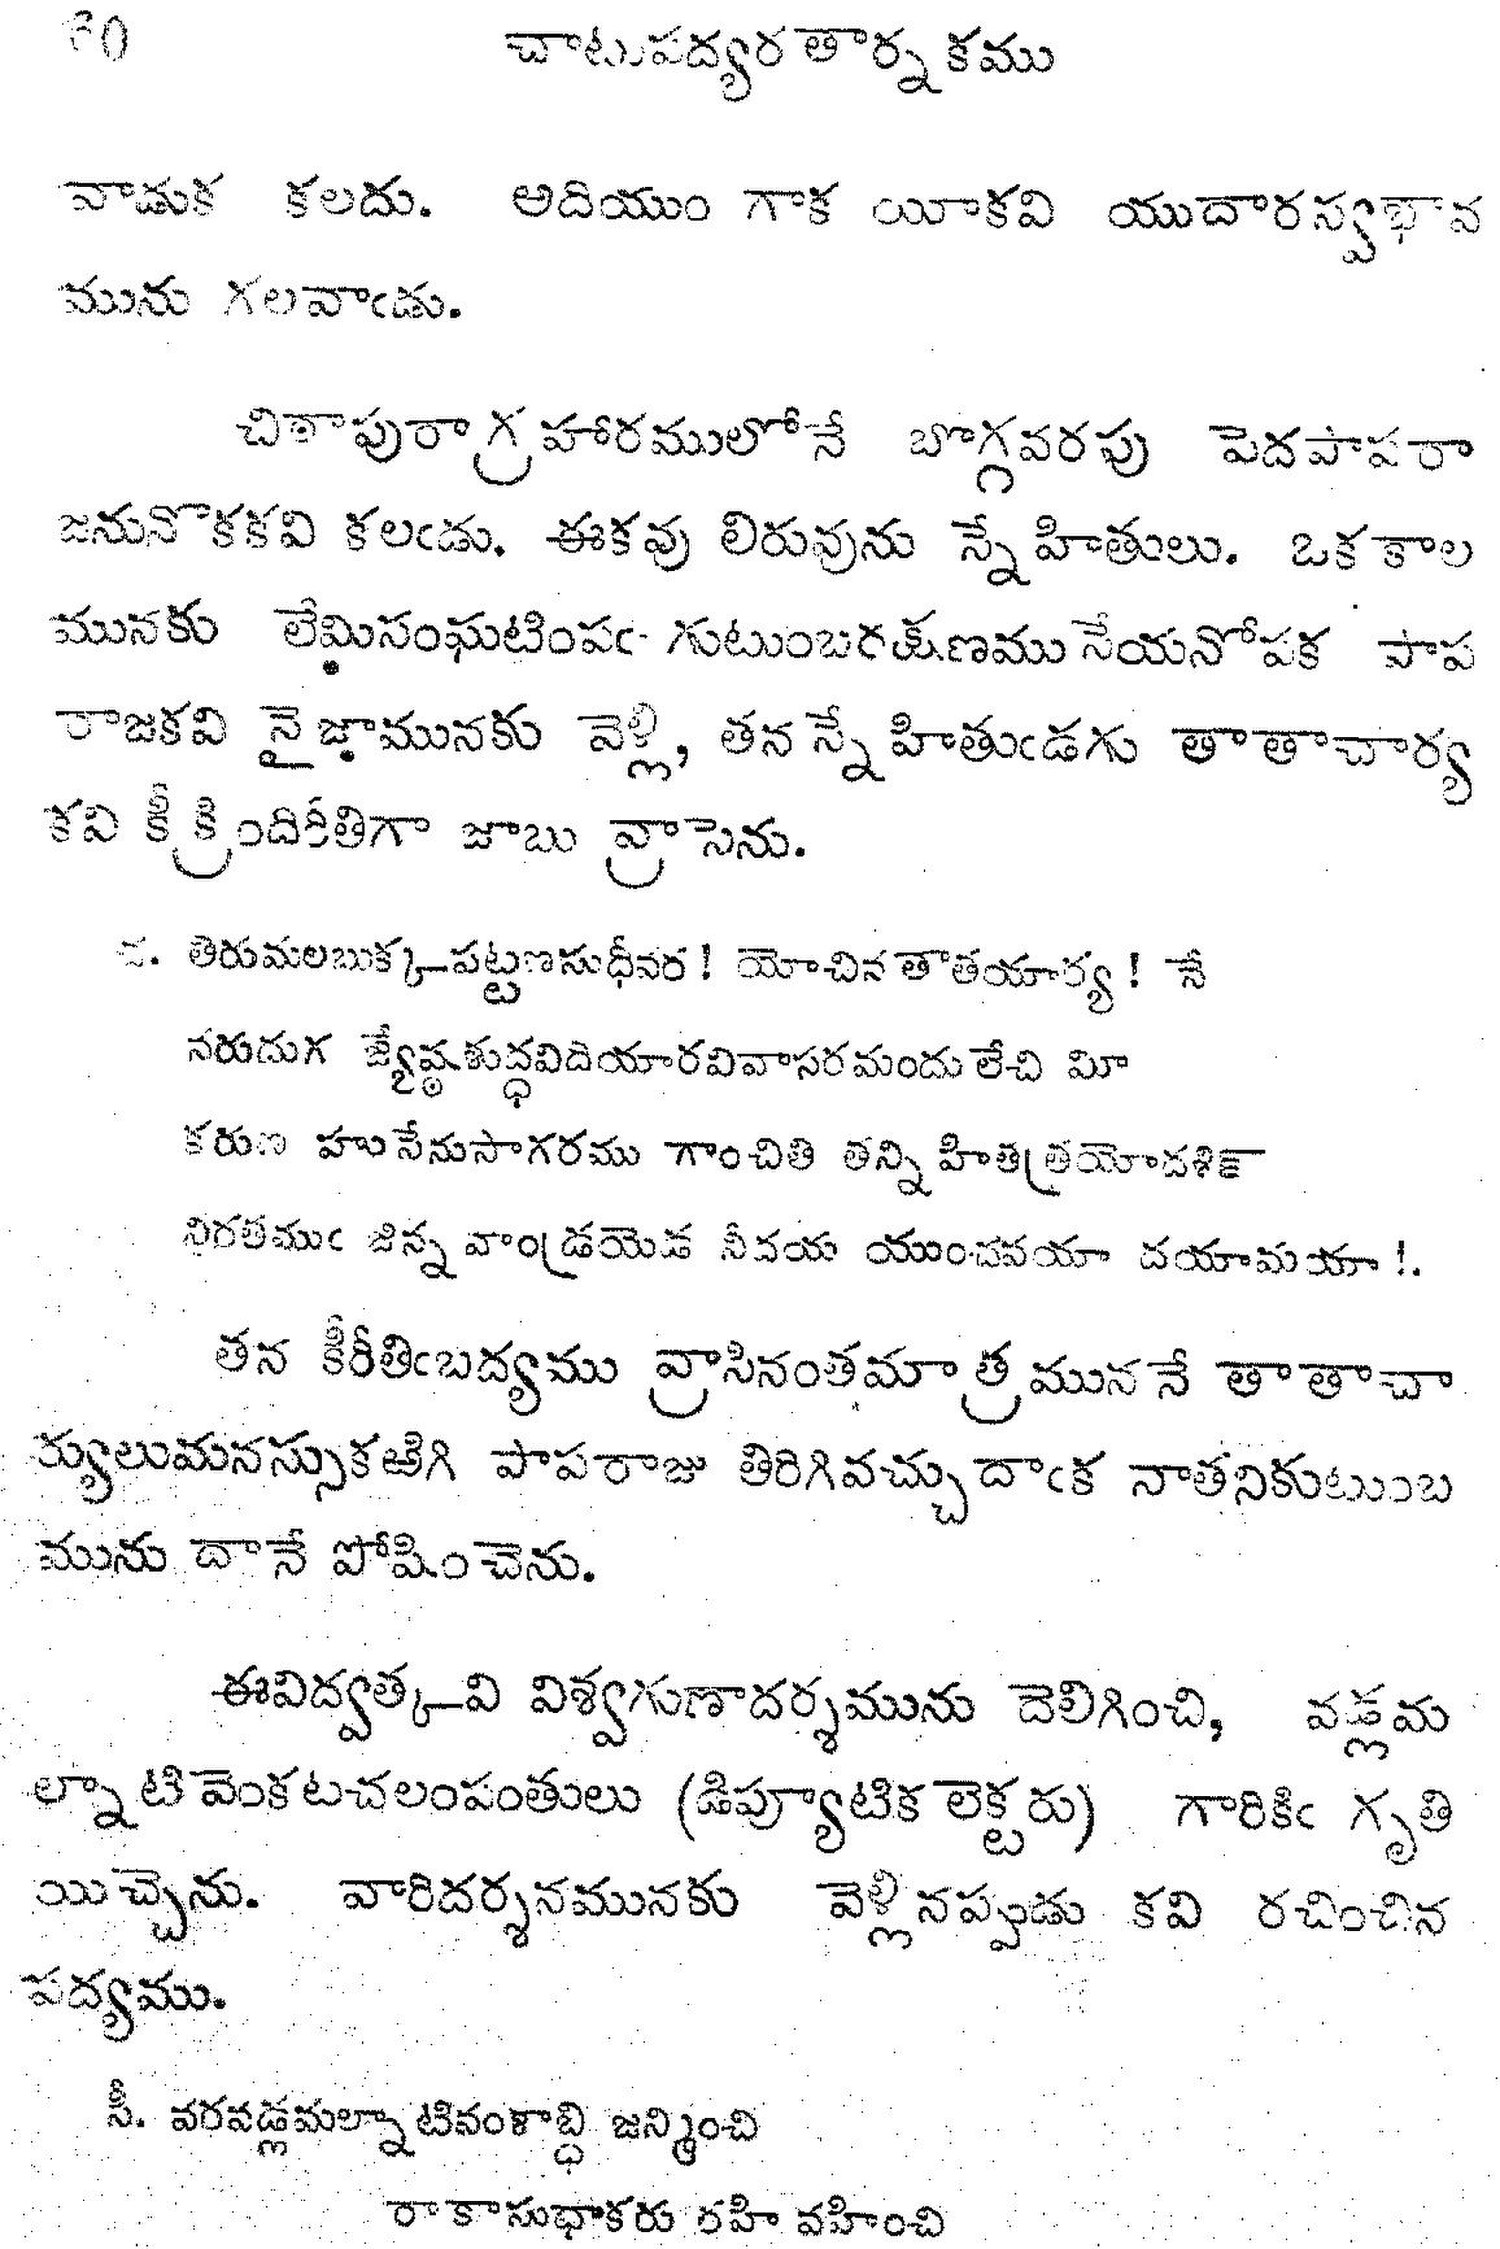వాడుక కలదు. అదియుం గాక యీకవి యుదారస్వభావమును గలవాఁడు.

చిఠాపురాగ్రహారములోనే బొగ్గవరపు పెదపాపరాజనునొకకవి కలఁడు. ఈకవు లిరువురును స్నేహితులు. ఒకకాలమునకు లేమి సంఘటింపఁ గుటుంబరక్షణము సేయనోపక పాపరాజకవి నైజామునకు వెళ్ళి, తనస్నేహితుఁడగు తాతాచార్యకవి కీక్రిందిరీతిగా జాబు వ్రాసెను.

చ. తిరుమలబుక్కపట్టణసుధీవర! యోచినతాతయార్య! నే
 నరుదుగ జ్యేష్ఠశుద్ధవిదియారవివాసరమందు లేచి మీ
 కరుణ హుసేనుసాగరము గాంచితి తన్నిహితత్రయోదశిన్
 నిరతముఁ జిన్నవాండ్రయెడ నీదయ యుంచవయా దయామయా!

తన కీరీతిఁ బద్యము వ్రాసినంతమాత్రముననే తాతాచార్యులు మనస్సు కఱిగి పాపరాజు తిరిగివచ్చుదాఁక నాతనికుటుంబమును దానే పోషించెను.

ఈవిద్వత్కవి విశ్వగుణాదర్శమును దెలిగించి, వడ్లమన్నాటివెంకటచలంపంతులు (డిప్యూటికలెక్టరు) గారికిఁ గృతి యిచ్చెను. వారిదర్శనమునకు వెళ్ళినప్పుడు కవి రచించిన పద్యము.

సీ. వరవడ్లమల్నాటివంశాబ్ధి జన్మించి
 రాకాసుధాకరు రహి వహించి